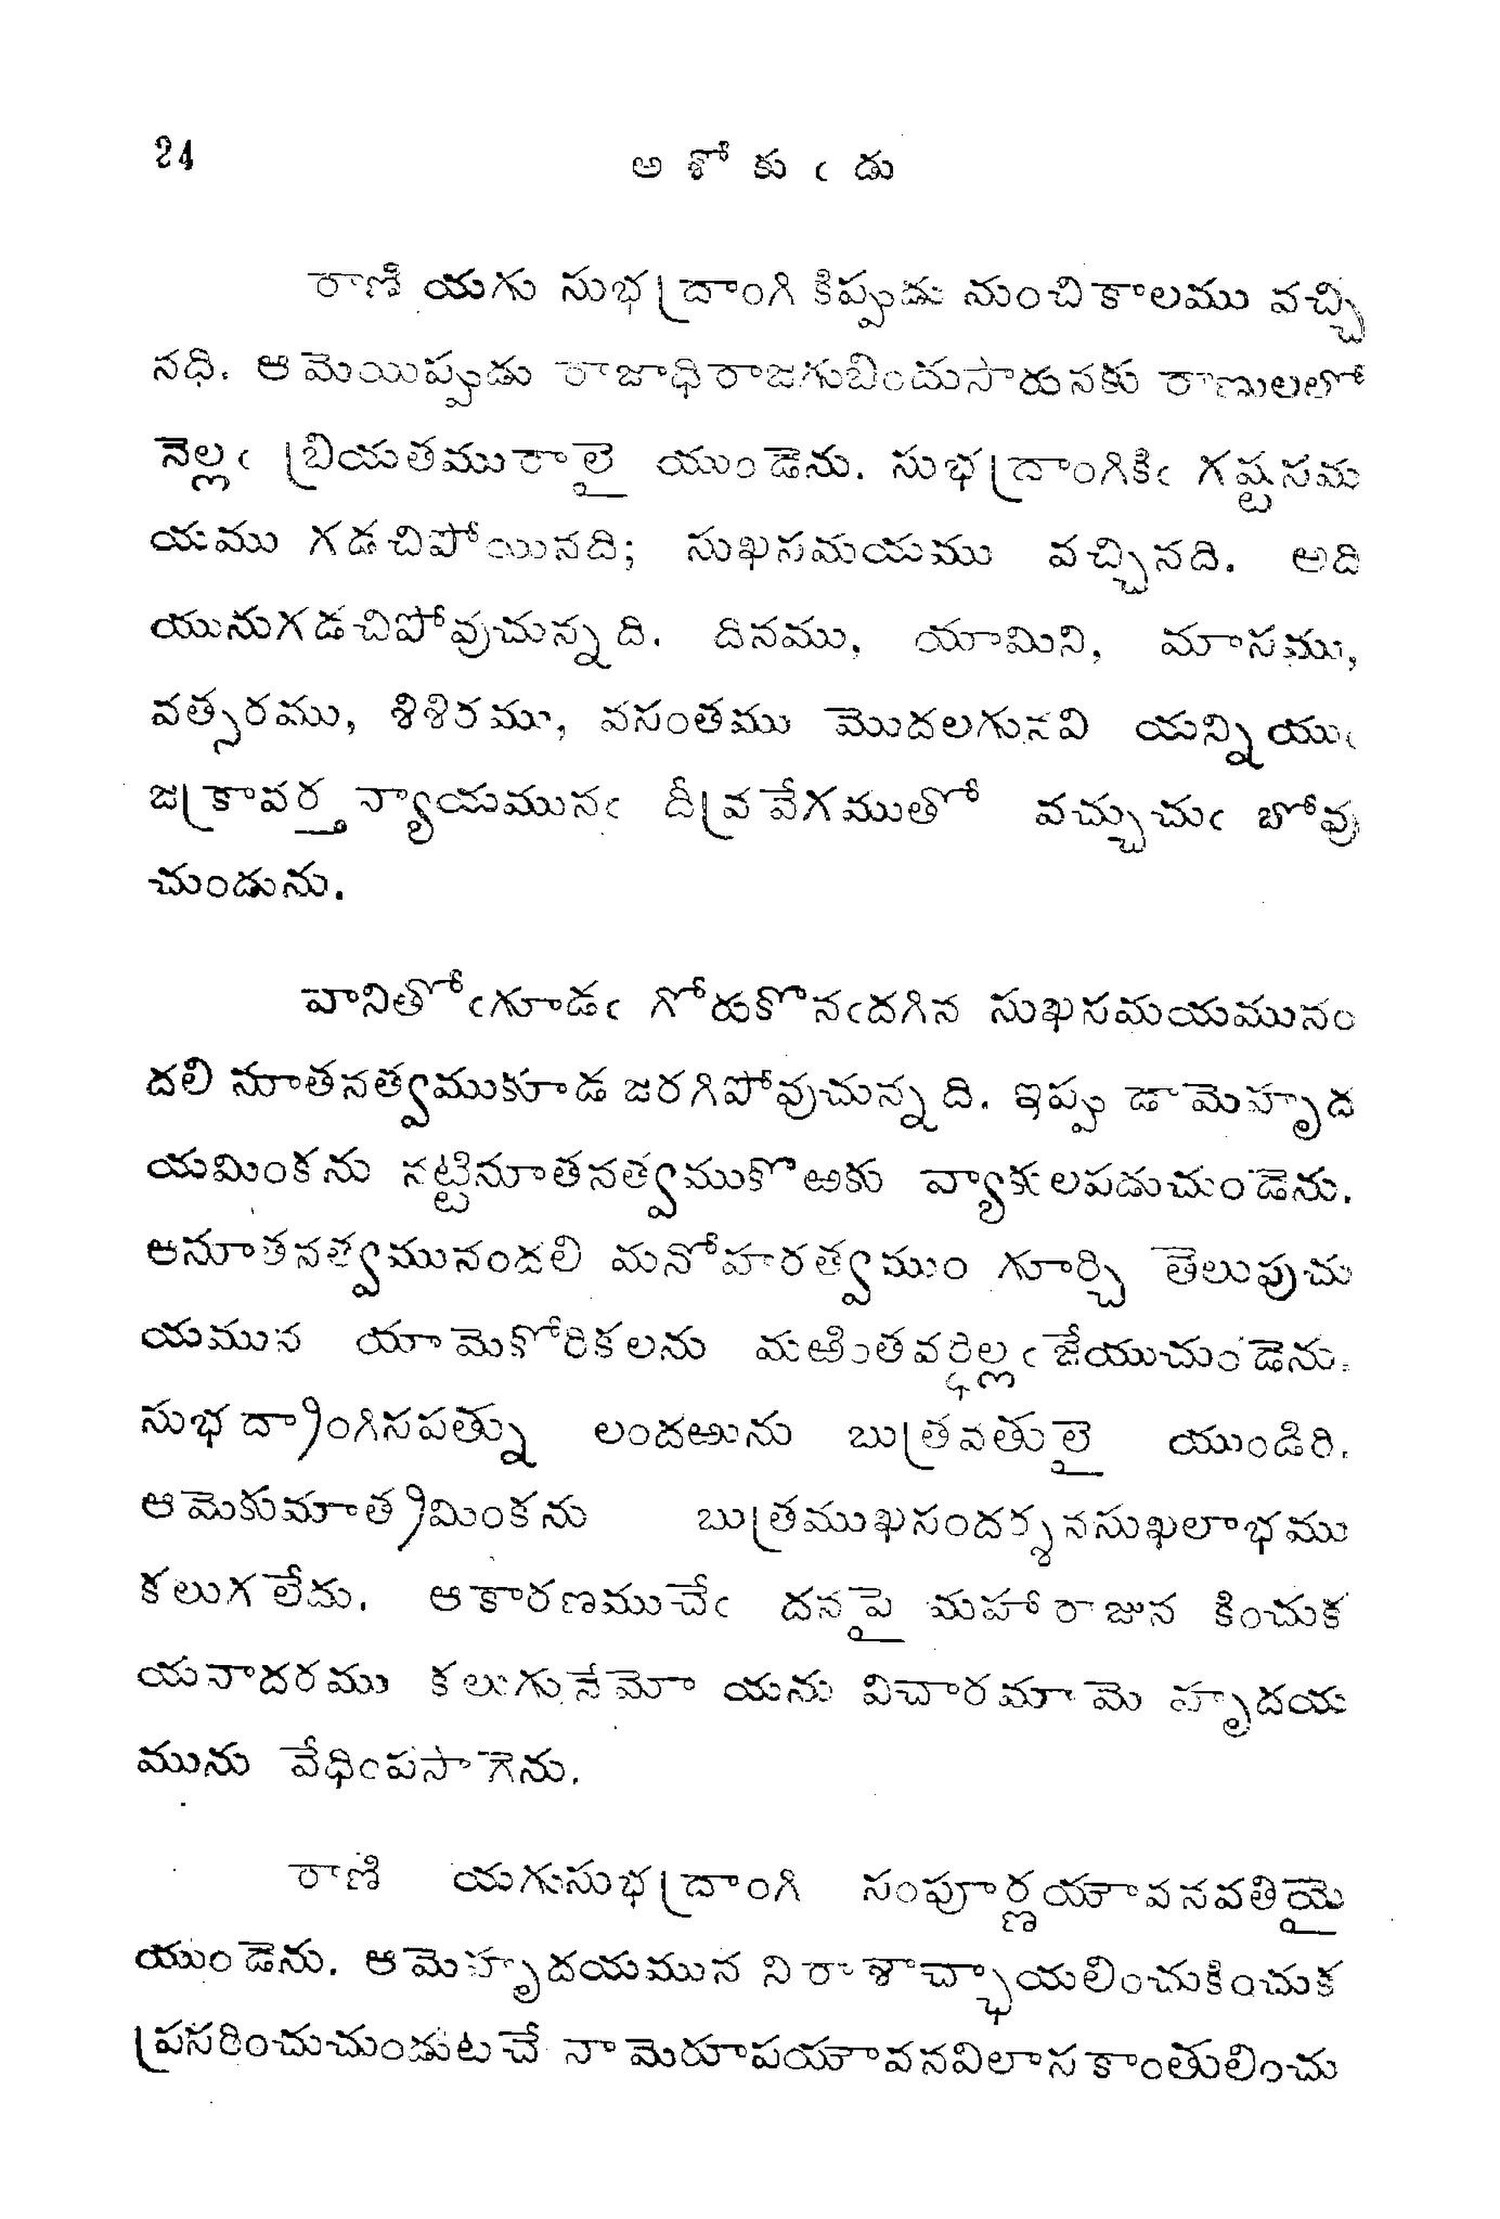రాణియగు సుభద్రాంగి కిప్పుడు మంచి కాలము వచ్చినది. ఆమెయిప్పుడు రాజాధి రాజగుబిందుసారునకు రాణులలో నెల్లఁ బ్రియుతమురాలై యుండెను. సుభద్రాంగికిఁ గష్టసమ
యము గడచిపోయినది; సుఖ సమయము వచ్చినది. అదియునుగడచిపోవుచున్నది; దినము, యామిని, మాసము, వత్సరము, శిశిరమ, వసంతము మొదలగునవి యన్నియు జక్రావర్త న్యాయమునఁ దీవ్ర వేగముతో వచ్చుచుఁ బోవు చుండును.

వానితోగూడఁ గోరుకొనఁదగిన సుఖ సమయమునందలి నూతనత్వముకూడ జరగిపోవుచున్నది. ఇప్పుడామెహృదయమింకను నట్టినూతనత్వముకొఱకు వ్యాకు లపడుచుండెను.
అనూతనశ్వమునందలి మనోహరత్వముం గూర్చి తెలుపుచు యమున యామెకోరికలను మఱింత వర్ధిల్లఁ జేయుచుండెను. సుభద్రాంగిసపత్ను లందఱును బుత్రవతులై యుండిరి.
ఆ మెకుమాత్రమింకను బుత్రముఖ సందర్శన సుఖలాభము కలుగ లేదు. ఆ కారణము చేఁ దన పై మహా రాజున కించుక యనాదరము కలుగునేమో యను విచారమామె హృదయ
మును వేధింపసాగెను.

రాణి యగుసుభద్రాంగి సంపూర్ణయౌవనవతియై యుండెను. ఆమె హృదయమున నిరాశాచ్ఛాయలించుకించుక ప్రసరించుచుండుటచే నా మెరూపయౌవన విలాసకాంతులించు